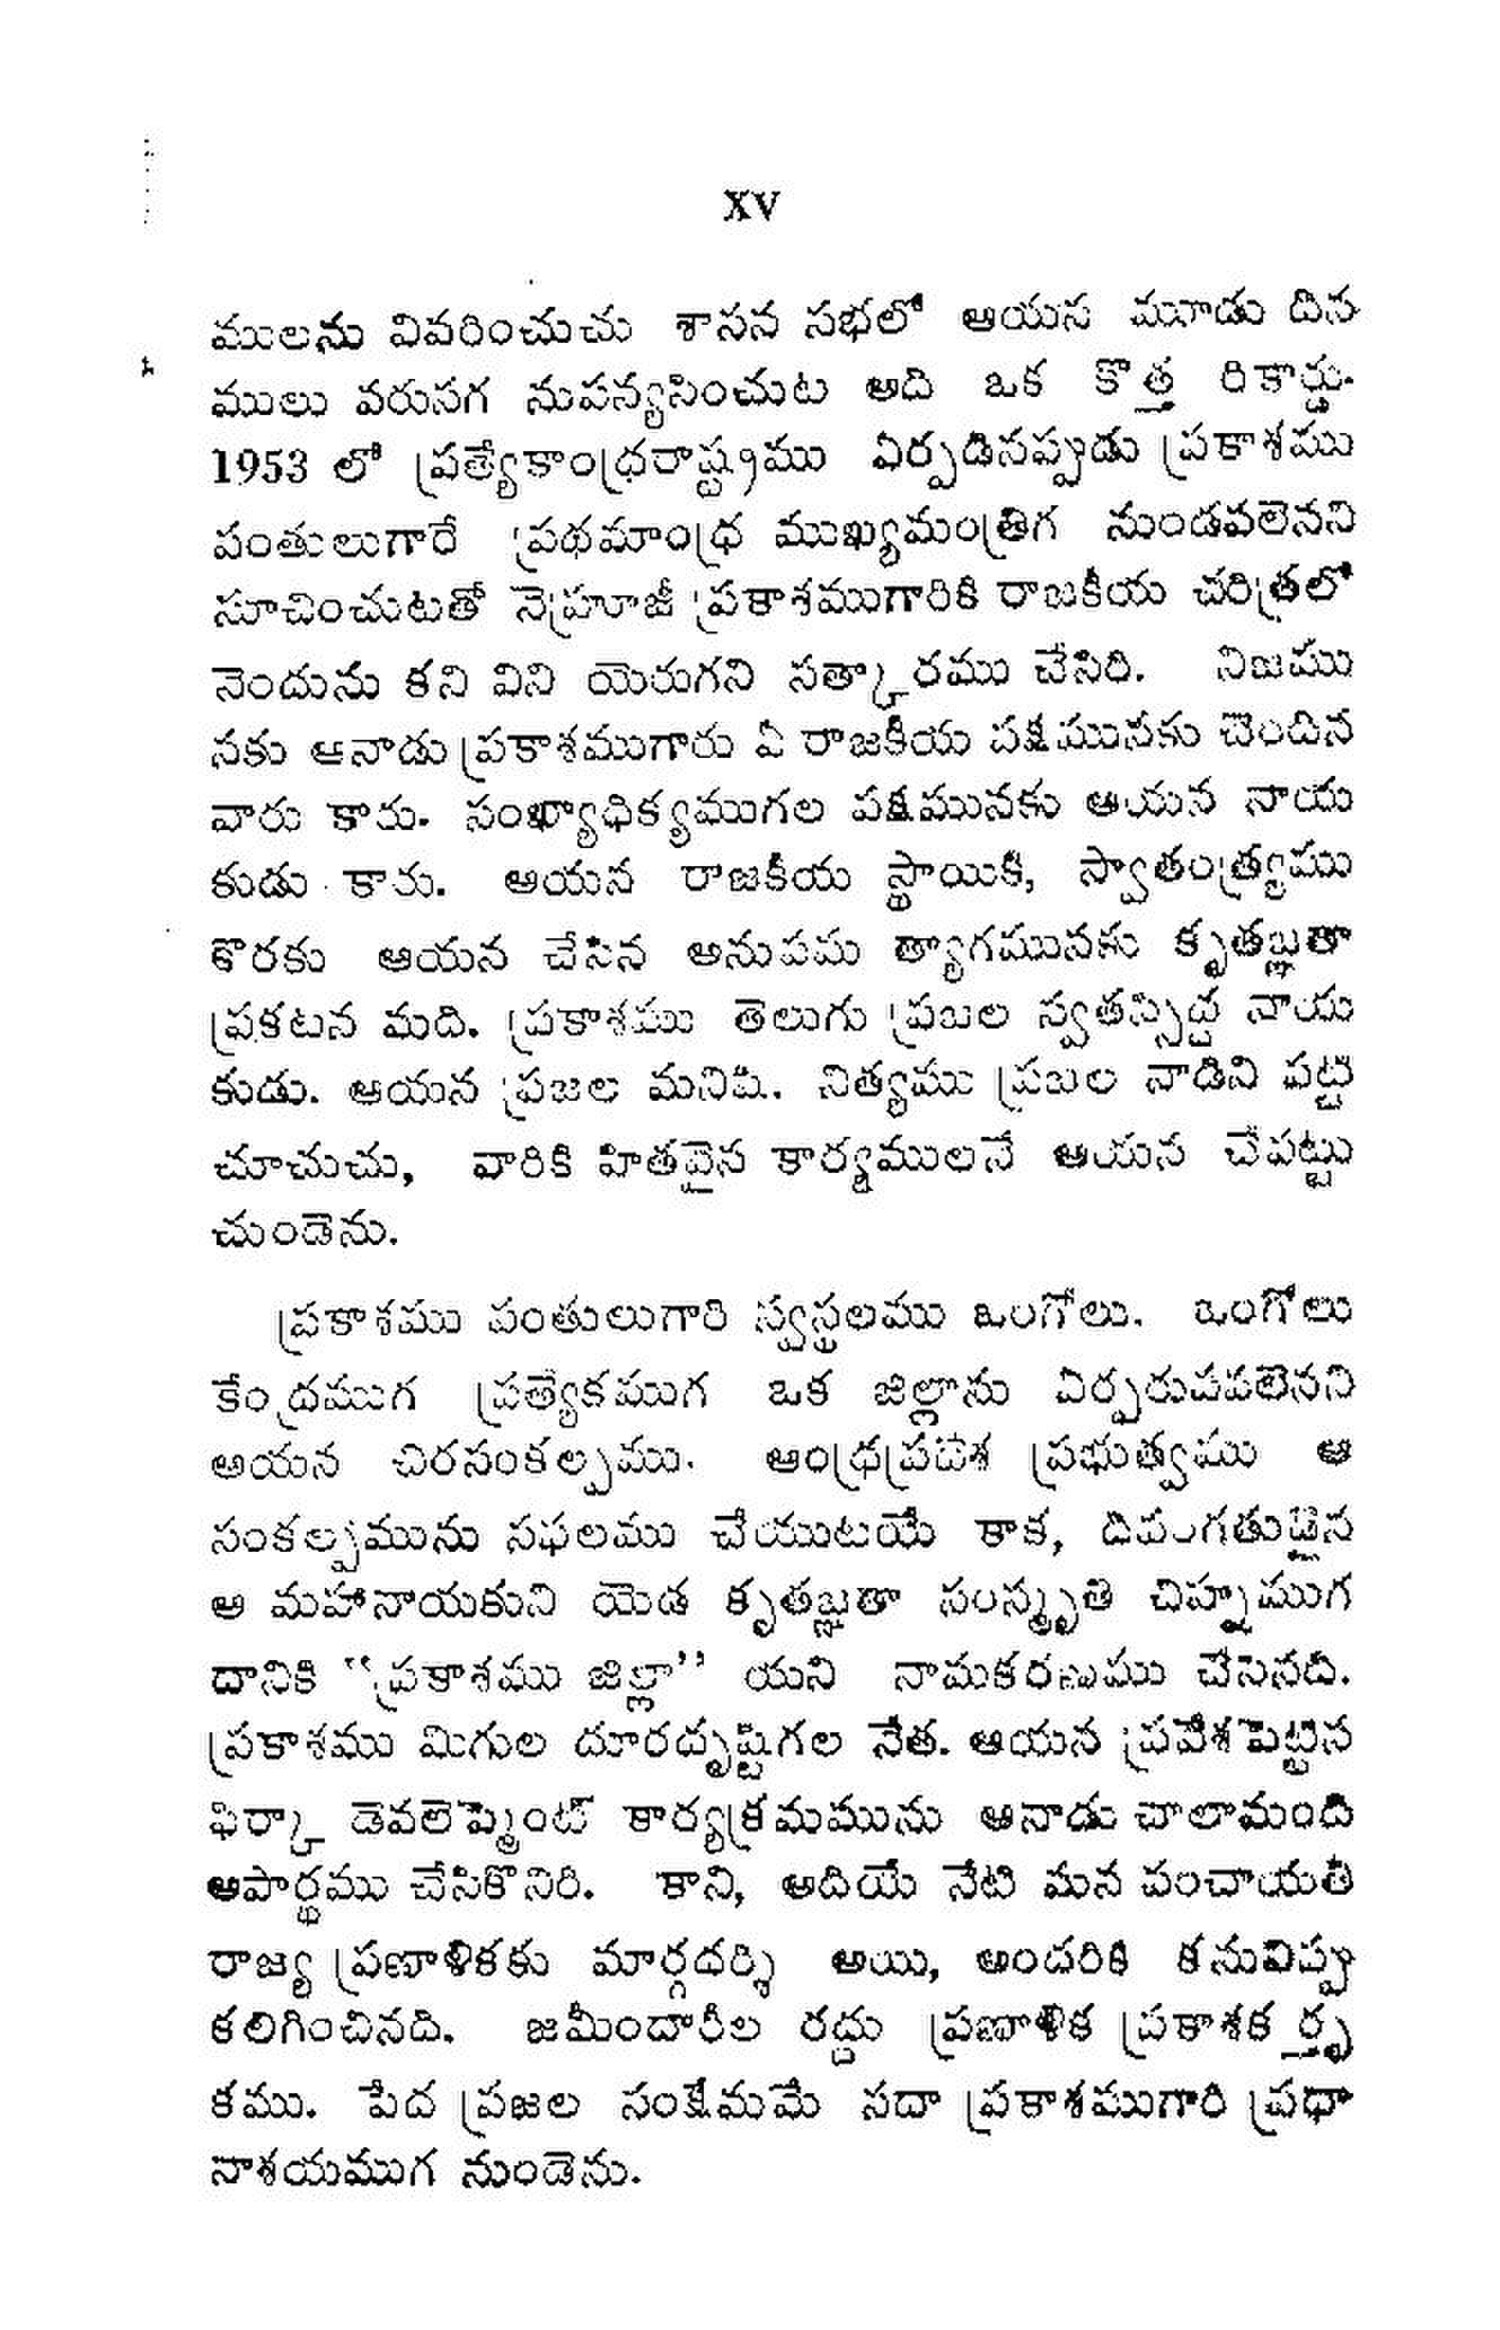ములను వివరించుచు శాసన సభలో ఆయన మూడు దినములు వరుసగ నుపన్యసించుట అది ఒక కొత్త రికార్డు. 1953 లో ప్రత్యేకాంధ్రరాష్ట్రము ఏర్పడినప్పుడు ప్రకాశము పంతులుగారే ప్రథమాంధ్ర ముఖ్యమంత్రిగ నుండవలెనని సూచించుటతో నెహ్రూజీ ప్రకాశముగారికి రాజకీయ చరిత్రలో నెందును కని విని యెరుగని సత్కారము చేసిరి. నిజమునకు ఆనాడు ప్రకాశము గారు ఏ రాజకీయ పక్షమునకు చెందిన వారు కారు. సంఖ్యాధిక్యముగల పక్షమునకు ఆయన నాయకుడు కారు. ఆయన రాజకీయ స్థాయికి, స్వాతంత్ర్యముకొరకు ఆయన చేసిన అనుపమ త్యాగమునకు కృతజ్ఞతా ప్రకటన మది. ప్రకాశము తెలుగు ప్రజల స్వతస్సిద్ద నాయకుడు. ఆయన ప్రజల మనిషి. నిత్యము ప్రజల నాడిని పట్టి చూచుచు, వారికి హితవైన కార్యములనే ఆయన చేపట్టు చుండెను.

ప్రకాశము పంతులుగారి స్వస్థలము ఒంగోలు. ఒంగోలు కేంద్రముగ ప్రత్యేకముగ ఒక జిల్లాను ఏర్పరుప వలెనని ఆయన చిరసంకల్పము. ఆంధ్రప్రదేశ ప్రభుత్వము ఆ సంకల్పమును సఫలము చేయుటయే కాక, దివంగతుడైన ఆ మహానాయకుని యెడ కృతజ్ఞతా సంస్మృతి చిహ్నముగ దానికి "ప్రకాశము జిల్లా" యని నామకరణము చేసినది. ప్రకాశము మిగుల దూరదృష్టిగల నేత. ఆయన ప్రవేశపెట్టిన ఫిర్కా డెవలెప్మెంట్ కార్యక్రమమును ఆనాడు చాలామంది అపార్థము చేసికొనిరి. కాని, అదియే నేటి మన పంచాయతి రాజ్య ప్రణాళికకు మార్గదర్శి అయి, అందరికి కనువిప్పు కలిగించినది. జమీందారీల రద్దు ప్రణాళిక ప్రకాశ కర్తృకము. పేద ప్రజల సంక్షేమమే సదా ప్రకాశముగారి ప్రధానాశయముగ నుండెను.